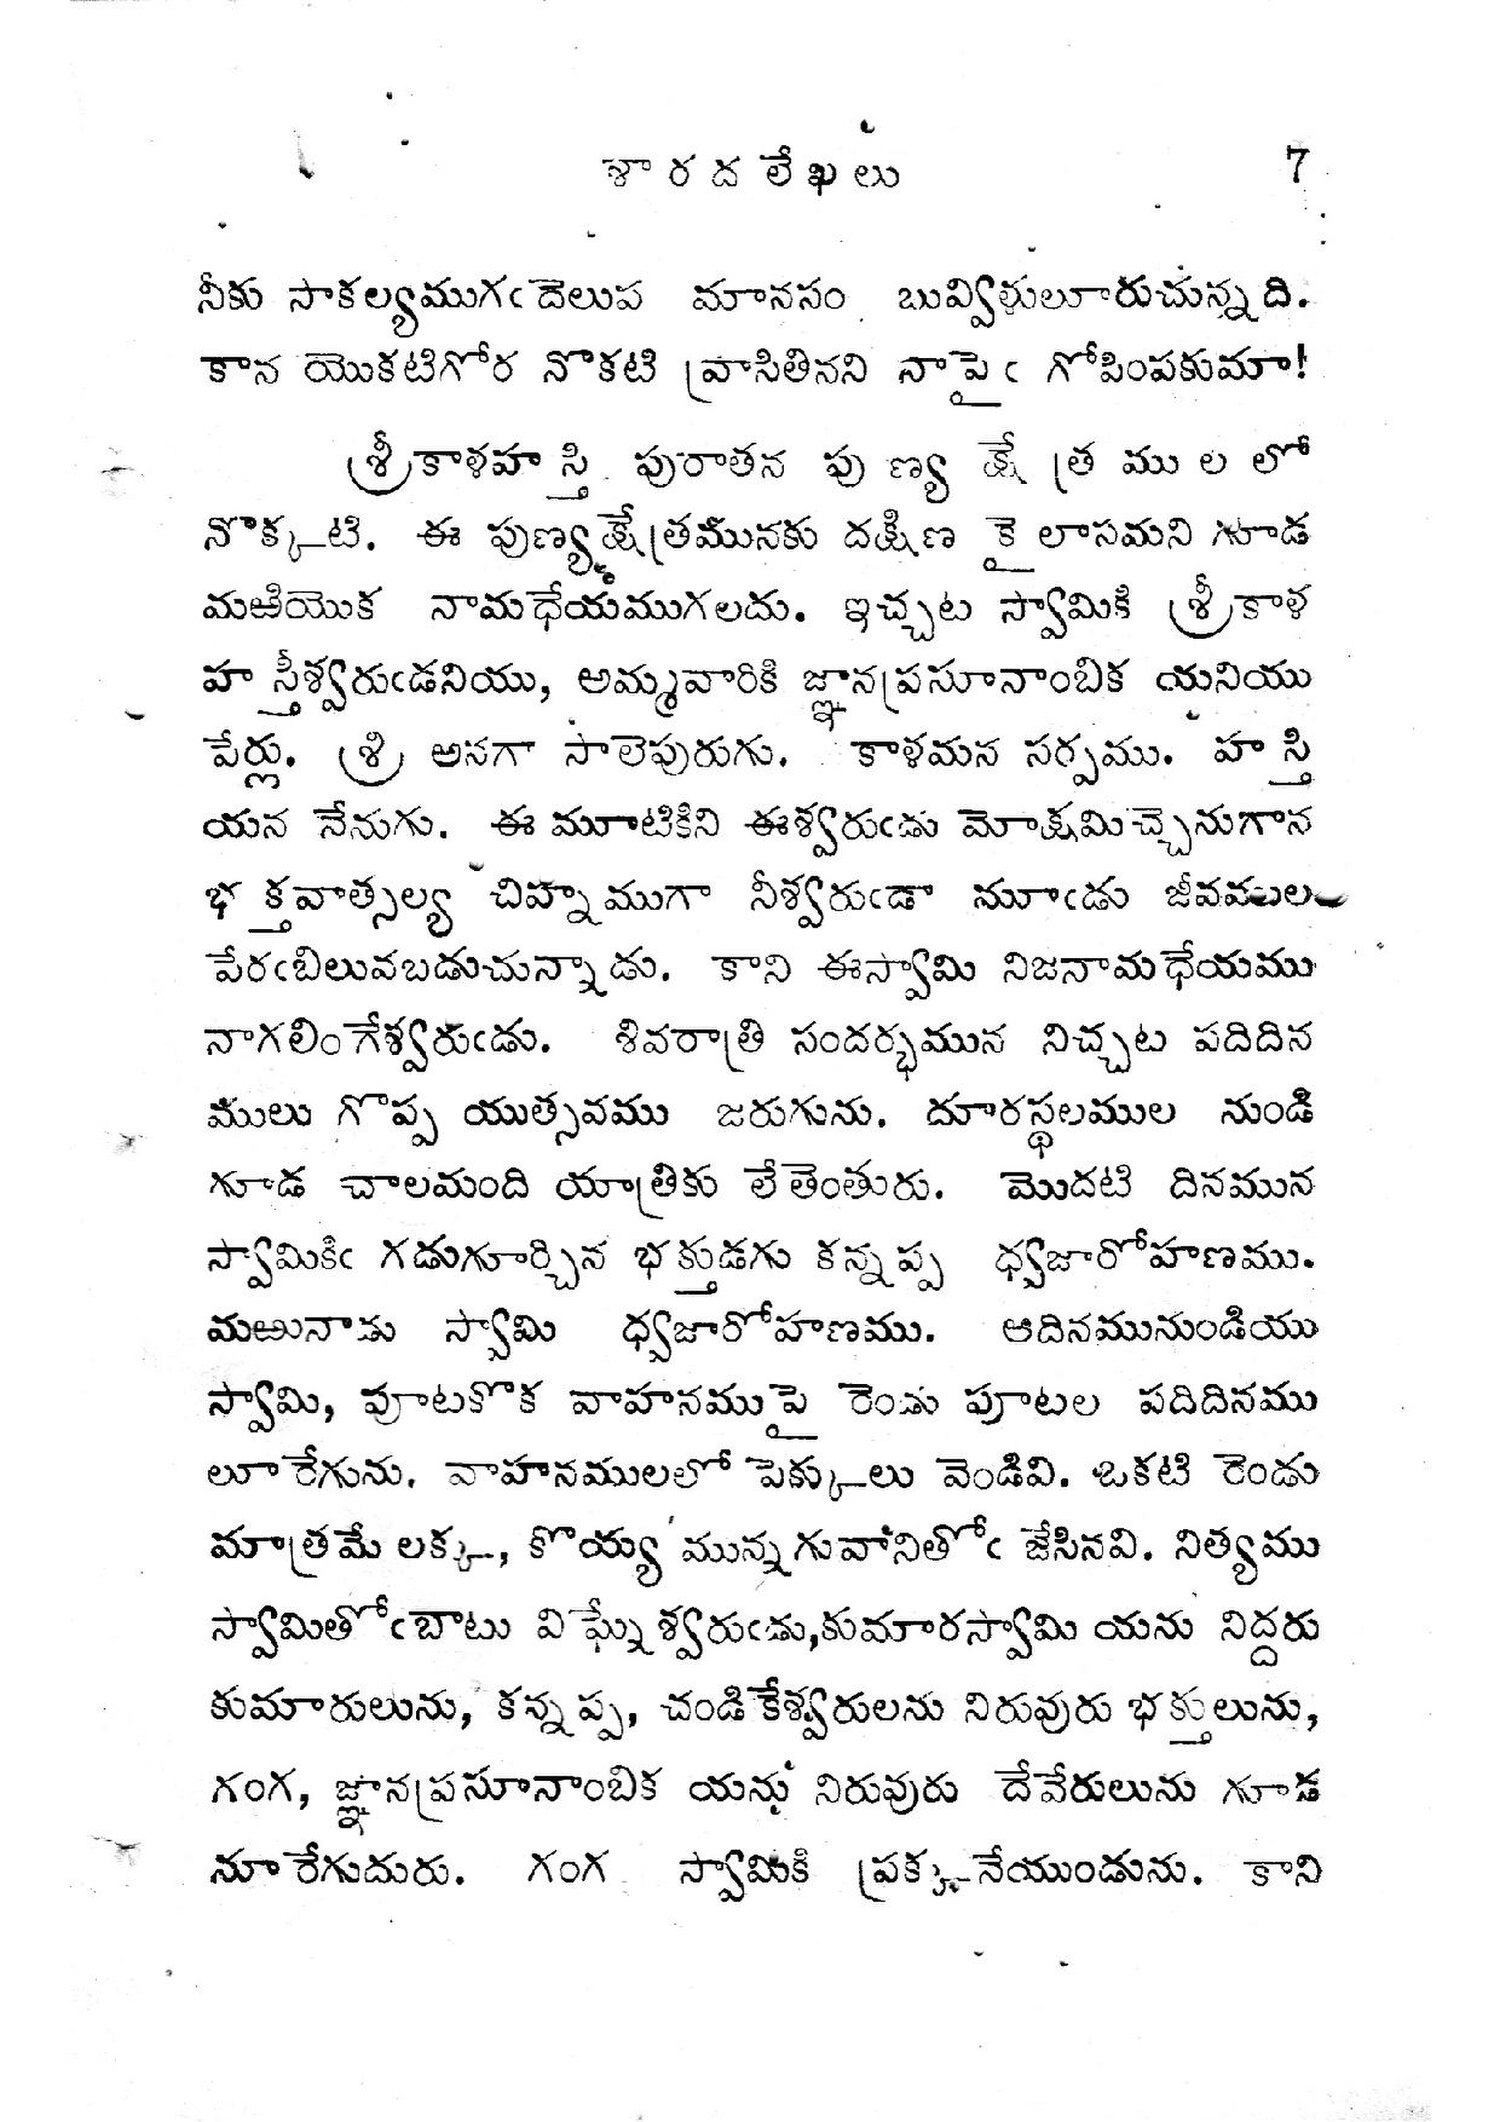నీకు సాకల్యముగఁదెలుప మానసం బువ్విళులూరుచున్నది. కాన యొకటిగోర నొకటి వ్రాసితినని నాపైఁ గోపింపకుమా!

శ్రీకాళహస్తి పురాతన పుణ్యక్షేత్రములలో నొక్కటి. ఈ పుణ్యక్షేత్రమునకు దక్షిణ కైలాసమని గూడ మఱియొక నామధేయముగలదు. ఇచ్చట స్వామికి శ్రీకాళహస్తీశ్వరుఁడనియు, అమ్మవారికి జ్ఞానప్రసూనాంబిక యనియు
పేర్లు. శ్రీ అనగా సాలెపురుగు. కాళ్ళమన సర్పము. హస్తి యన నేనుగు. ఈ మూటికిని ఈశ్వరుఁడు మోక్షమిచ్చెనుగాన భక్తవాత్సల్య చిహ్నముగా నీశ్వరుఁడా మూఁడు జీవముల పేరఁబిలువబడుచున్నాడు. కాని ఈస్వామి నిజనామధేయము నాగలింగేశ్వరుఁడు. శివరాత్రి సందర్భమున నిచ్చట పదిదినములు గొప్ప యుత్సవము జరుగును. దూరస్థలముల నుండి గూడ చాలమంది యాత్రికు లేతెంతురు. మొదటి దినమున స్వామికిఁ గడుగూర్చిన భక్తుడగు కన్నప్ప ధ్వజారోహణము. మఱునాడు స్వామి ధ్వజారోహణము. ఆదినమునుండియు స్వామి, పూటకొక వాహనముపై రెండు పూటల పదిదినము లూరేగును. వాహనములలో పెక్కులు వెండివి. ఒకటి రెండు మాత్రమే లక్క, కొయ్య మున్నగువానితోఁ జేసినవి. నిత్యము స్వామితోఁబాటు విఘ్నేశ్వరుఁడు, కుమారస్వామి యను నిద్దరు కుమారులును, కన్నప్ప, చండికేశ్వరులను నిరువురు భక్తులును, గంగ, జ్ఞానప్రసూనాంబిక యను నిరువురు దేవేరులును గూడ
నూరేగుదురు. గంగ స్వామికి ప్రక్కనేయుండును. కాని